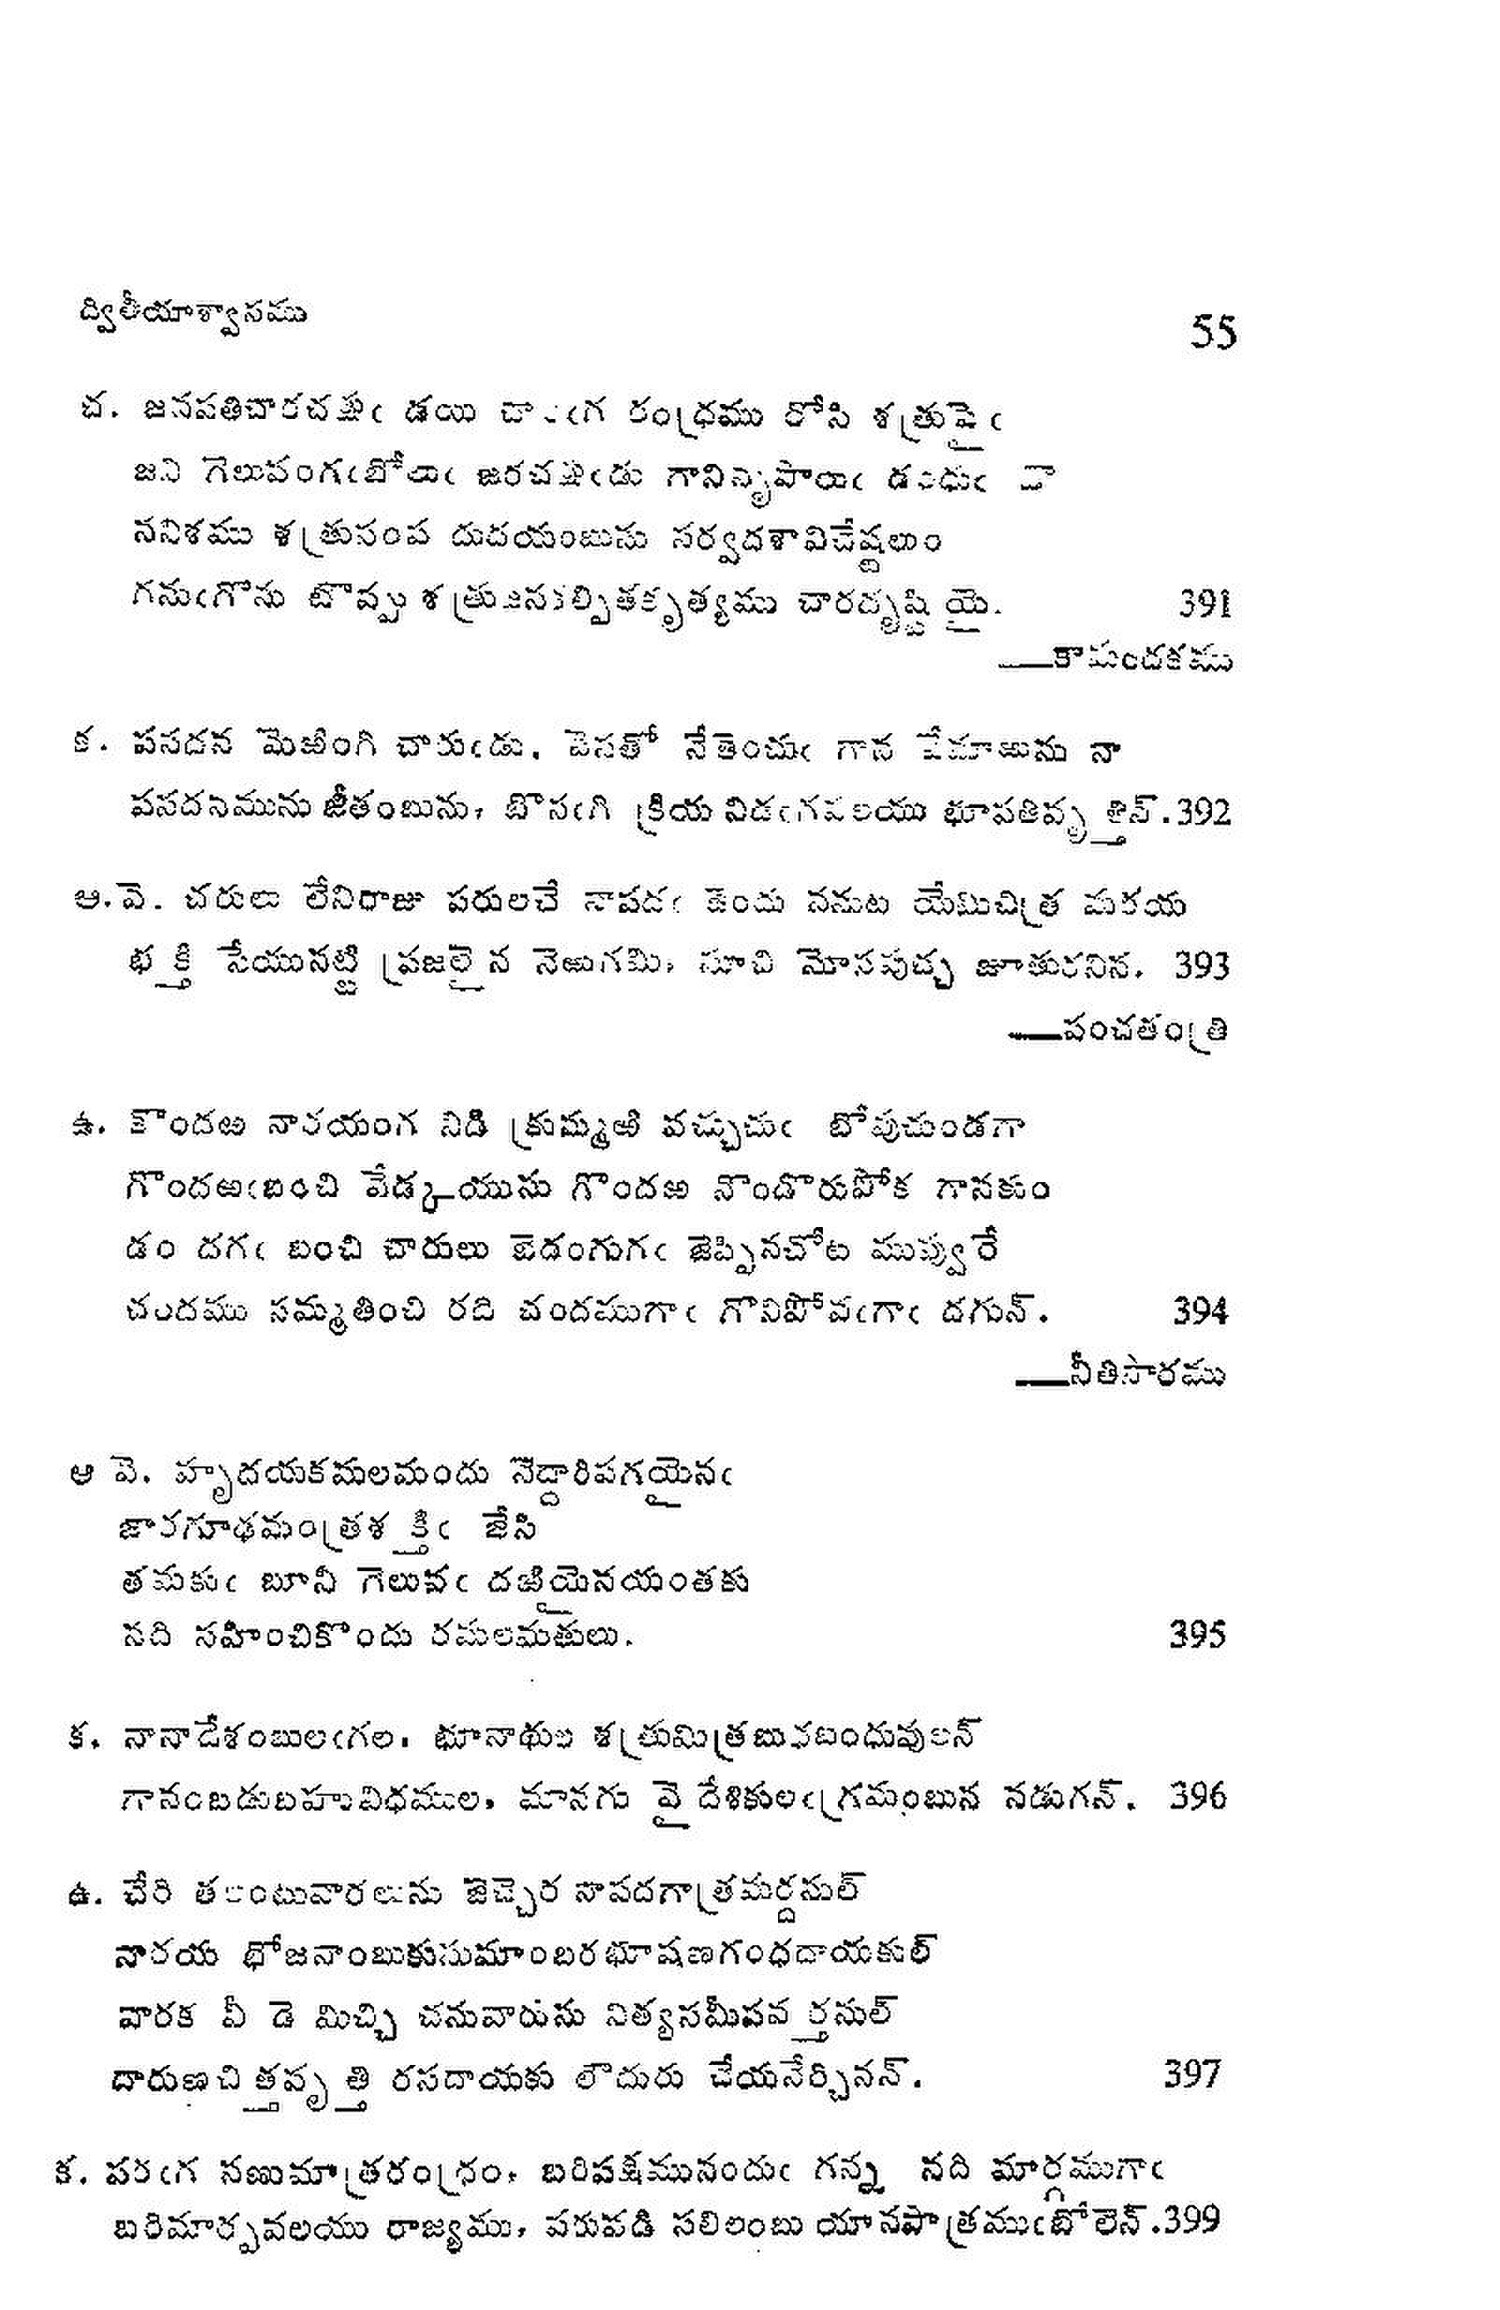చ. జనపతి చారరక్షుఁ డయి చాలఁగ రంధ్రము రోసి శత్రుపైఁ
జని గెలువంగఁబోలుఁ జరచక్షుఁడు గాని నృపాలుఁ డంధుఁ డౌ
ననిశము శత్రుసంప దుదయంబును సర్వదశావిచేష్టలుం
గనుఁగొను బొప్పు శత్రుజనకల్పితకృత్యము చారదృష్టియై. 391

క. పసదన మెఱింగి చారుఁడు
వెసతో నేతెంచుఁ గాన వేమాఱును నా
పసదనమును జీతంబును
బొసఁగిన క్రియ నిడఁగవలయు భూపతివృత్తిన్. 392

ఆ. చరులు లేనిరాజు పరులచే నాపదఁ
జెందు ననుట యేమిచిత్ర మరయ
భక్తి సేయునట్టి ప్రజలైన నెఱుగమి
సూచి మోసపుచ్చ జూతురనిన. 393

ఉ. కొందఱ నారయంగ విడి క్రుమ్మఱి వచ్చుచుఁ బోవుచుండగా
గొందఱఁబంచి వేడ్కయును గొందఱ నొండొరుపోక గానకుం
డం దగఁ బంచి చారులు బెడంగుగఁ జెప్పినచోట మువ్వురే
చందము సమ్మతించి రది చందముగాఁ గొనిపోవఁగాఁ దగున్. 394

ఆ. హృదయకమలమందు నెద్దారిపగయైనఁ
జారగూఢమంత్రశక్తిఁ జేసి
తమకుఁ బూని గెలువఁ దఱియైనయంతకు
నది సహించికొందు రమలమతులు. 395

క. నానాదేశంబులఁగల
భూనాథుల శత్రుమిత్రబంధువులందున్
గానంబడు బహువిధముల
మానుగ వైదేశికులఁ గ్రమంబున నడుగన్. 396

ఉ. చేరి తలంటువారలను జెచ్చెర నాపదగాత్రమర్దనుల్
నారయ భోజనాంబుకుసుమాంబరభూషణగంధదాయకుల్
వారక వీ డె మిచ్చి చనువారును నిత్యసమీపవర్తనుల్
దారుణచిత్తవృత్తి రసదాయకు లౌదురు చేయనేర్చినన్. 397

క. పరఁగ నణుమాత్రరంధ్రం
బరిపక్షమునందుఁ గన్న నది మార్గముగాఁ
బరిమార్పవలయు రాజ్యము
పరువడి సలిలంబు యానపాత్రముఁ బోలెన్. 398